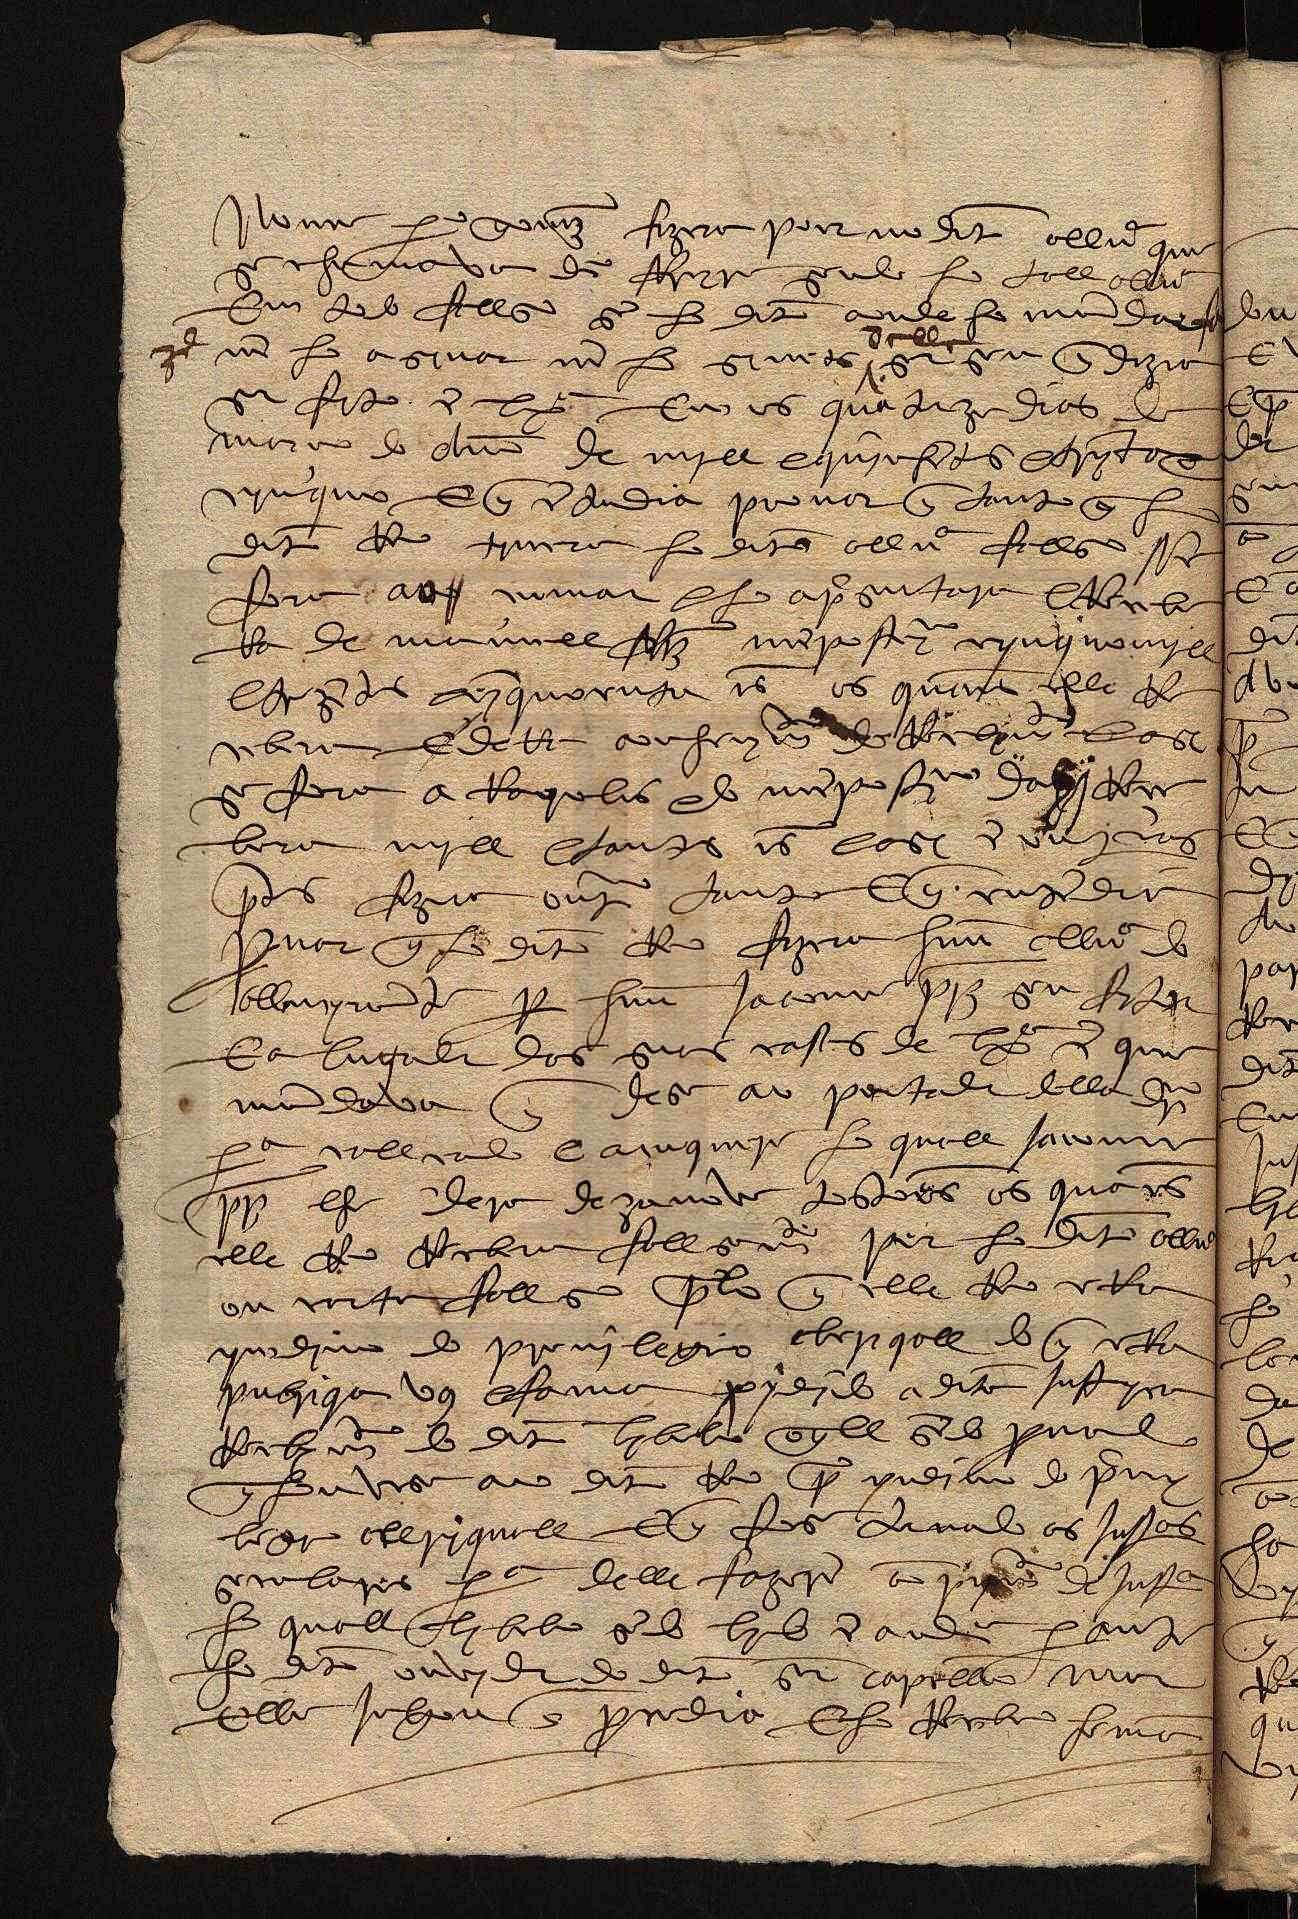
Nome ꝑo gomez fizera poer no dito allua que
se chamava do ffreyre sendo ho tall allua
Em todo fallso sē ho dito conde ho mādar fa
zer nē ho asynar nē ho synete
delle
ser seu q̄ dizia
ser feyto ē lxa Em os quatorze dias de
março do Anō de mjll e qujnhētos e trȳta e
cynquo E q̄ ētendia prouar q̄ tanto q̄ ho
dito Reo tiuera ho dito allua fallso sse
fora aa çumar e ho ap̄sentara e Recebe
Ra de manuell ffr̄rz mēposteyro cynquo mjll
e trezētos e cȳquoenta r̄s os quaes elle Re
cebera E deRa conhecymto do Recebymto e asy
se fora a Rayolos e do mēpostero dahj Rece
bera mjll e tantos r̄s e asy ē outras
p̄tes fizera outro tanto E q̄ entēdia
ꝓuar q̄ ho dito Reo fizera huū allua do
allmyrāte ꝑ huū Jacome p̄jz seu fejtor
E alugador das suas casas de lxa ē que
mādava q̄ dese ao portador della drro
ꝑa callçado e açuquere ho quall Jacome
p̄jz lhe dera dezanove tostoẽs os quaes
elle Reo Recebera fallsamte per ho dito allua
ou carta fallso p̄lo q̄ elle Reo eRa
ymdjno do preujlegio cleriqall do q̄ eRa
pubriqa vꝯ e fama pydīdo a dita Justyça
Recebymto do dito lybelo o q̄ll sēdo ꝓuado
q̄ houvese ao dito Reo p̄o yndino do p̄uy
legio cleryquall E q̄ fose tornado as Justas
seculares ꝑa delle fazerē c̄oprymto de Justa
ho quall lybelo sēdo lydo ē auda ꝑante
ho dito ouvydor do dito s̄or capellão mor
Elle Julgou q̄ ꝓcedia E ho Recebeo he mā
